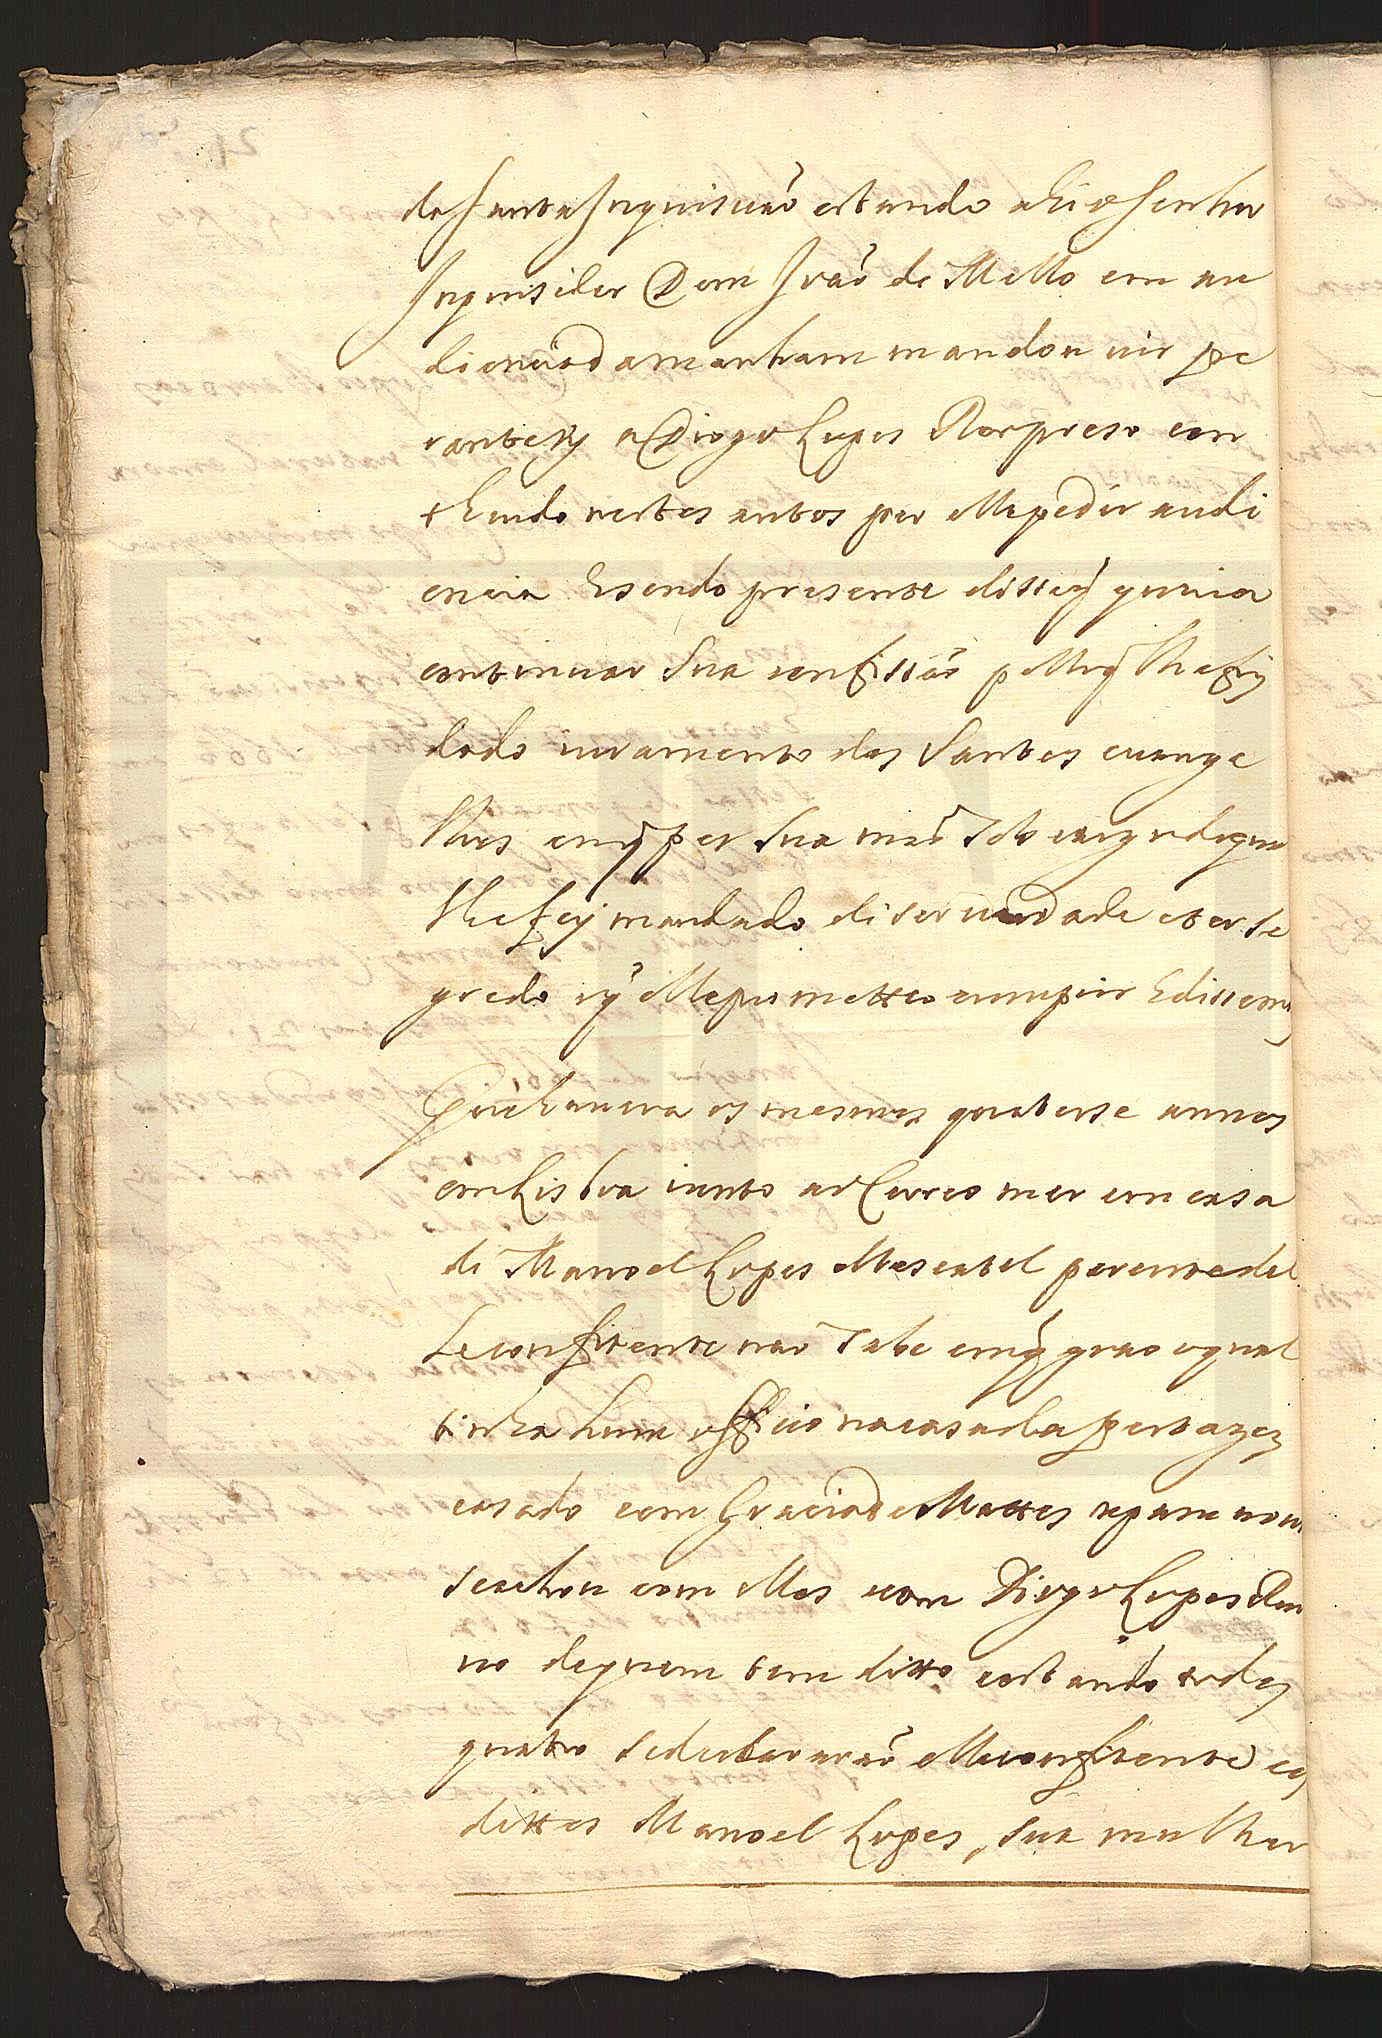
da Santa Jnquisicaõ estando ahi o Senhor
Jnquisidor Dom Joaõ de Mello em au
diencia da manham mandou uir pe
rante sy a Diogo Lopes Reo preso con
theudo nestes autos por elle pedir audi
encia E sendo presente disse q̄ queria
continuar sua confissaõ pello q̄ lhe foy
dado iuramento dos Santos euange
lhos em q̄ pos sua maõ sob cargo do qua
lhe foy mandado diser uerdade e ter se
gredo o q̄ elle prometteo cumprir E dissem
Que hauera os mesmos quatorse annos
em Lisboa iunto ao Correo mor em casa
de Manoel Lopes Moscatel parente del
le confitente naõ sabe em q̄ grao o qual
tinha hum officio na casa da portagen
casado com Gracia de Mattos xpam nou
se achou com elles e com Diogo Lopes Ren
no de quem tem ditto e estando todos
quatro se declararaõ elle confitente e os
dittos Manoel Lopes, sua mulher
